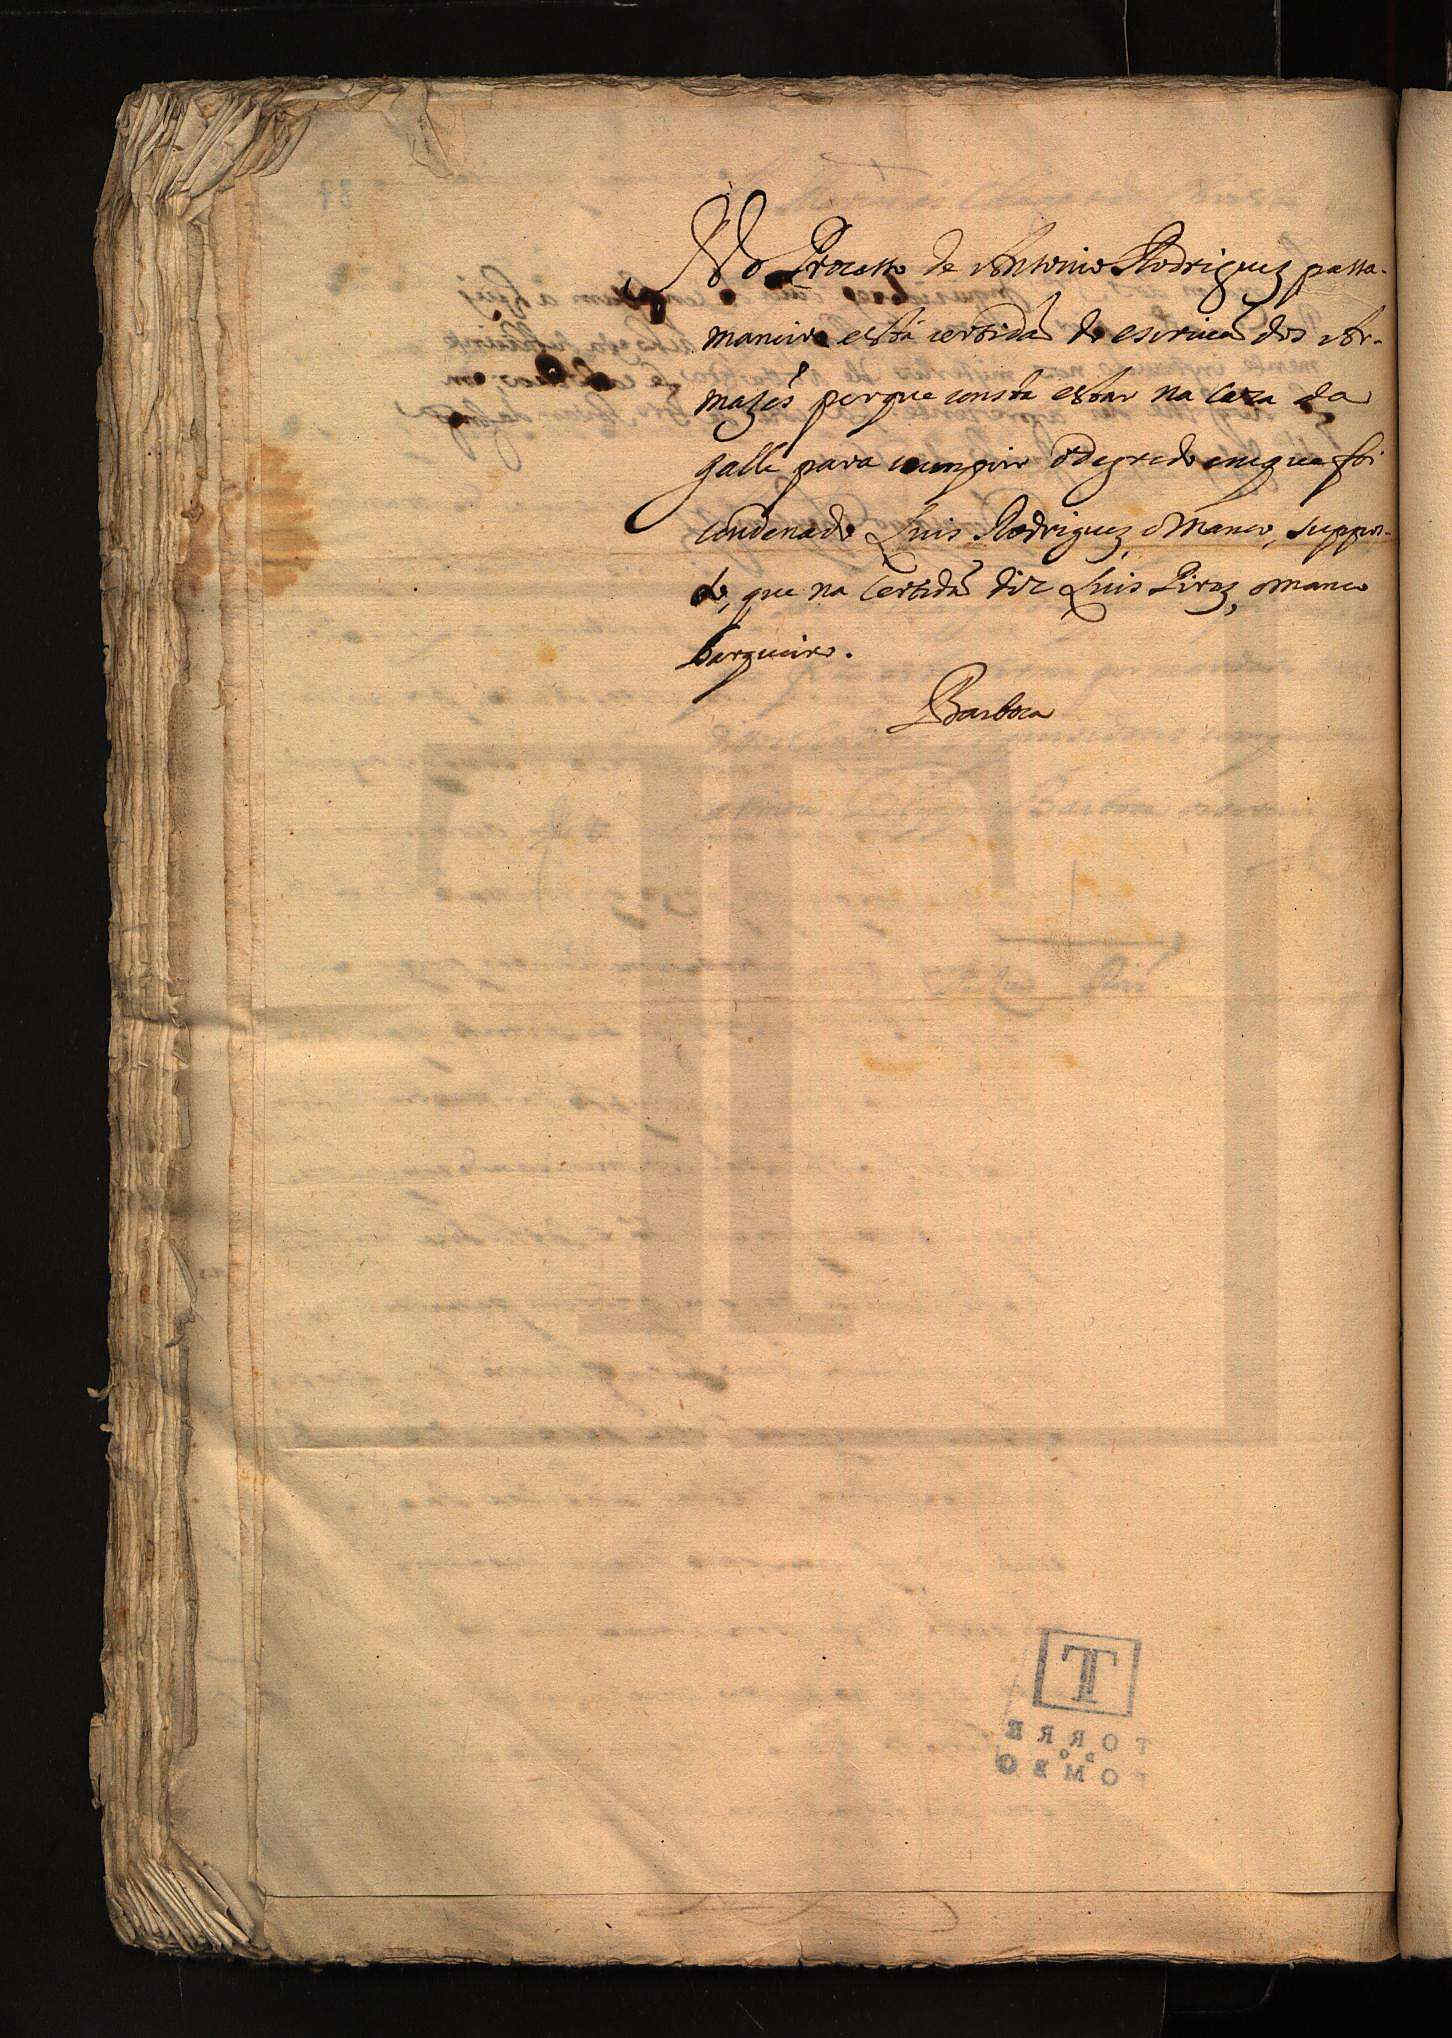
No Processo de Antonio Rodriguez passa
maneira está certidaõ do escriuaõ dos Ar
mazēs porque consta estar na caza da
galle para cumprir o degredo em que foi
condenado Luis Rodriguez, o manco, suppos
to, que na certidaõ diz Luis Pirez, o manco
barqueiro.
Barboza
